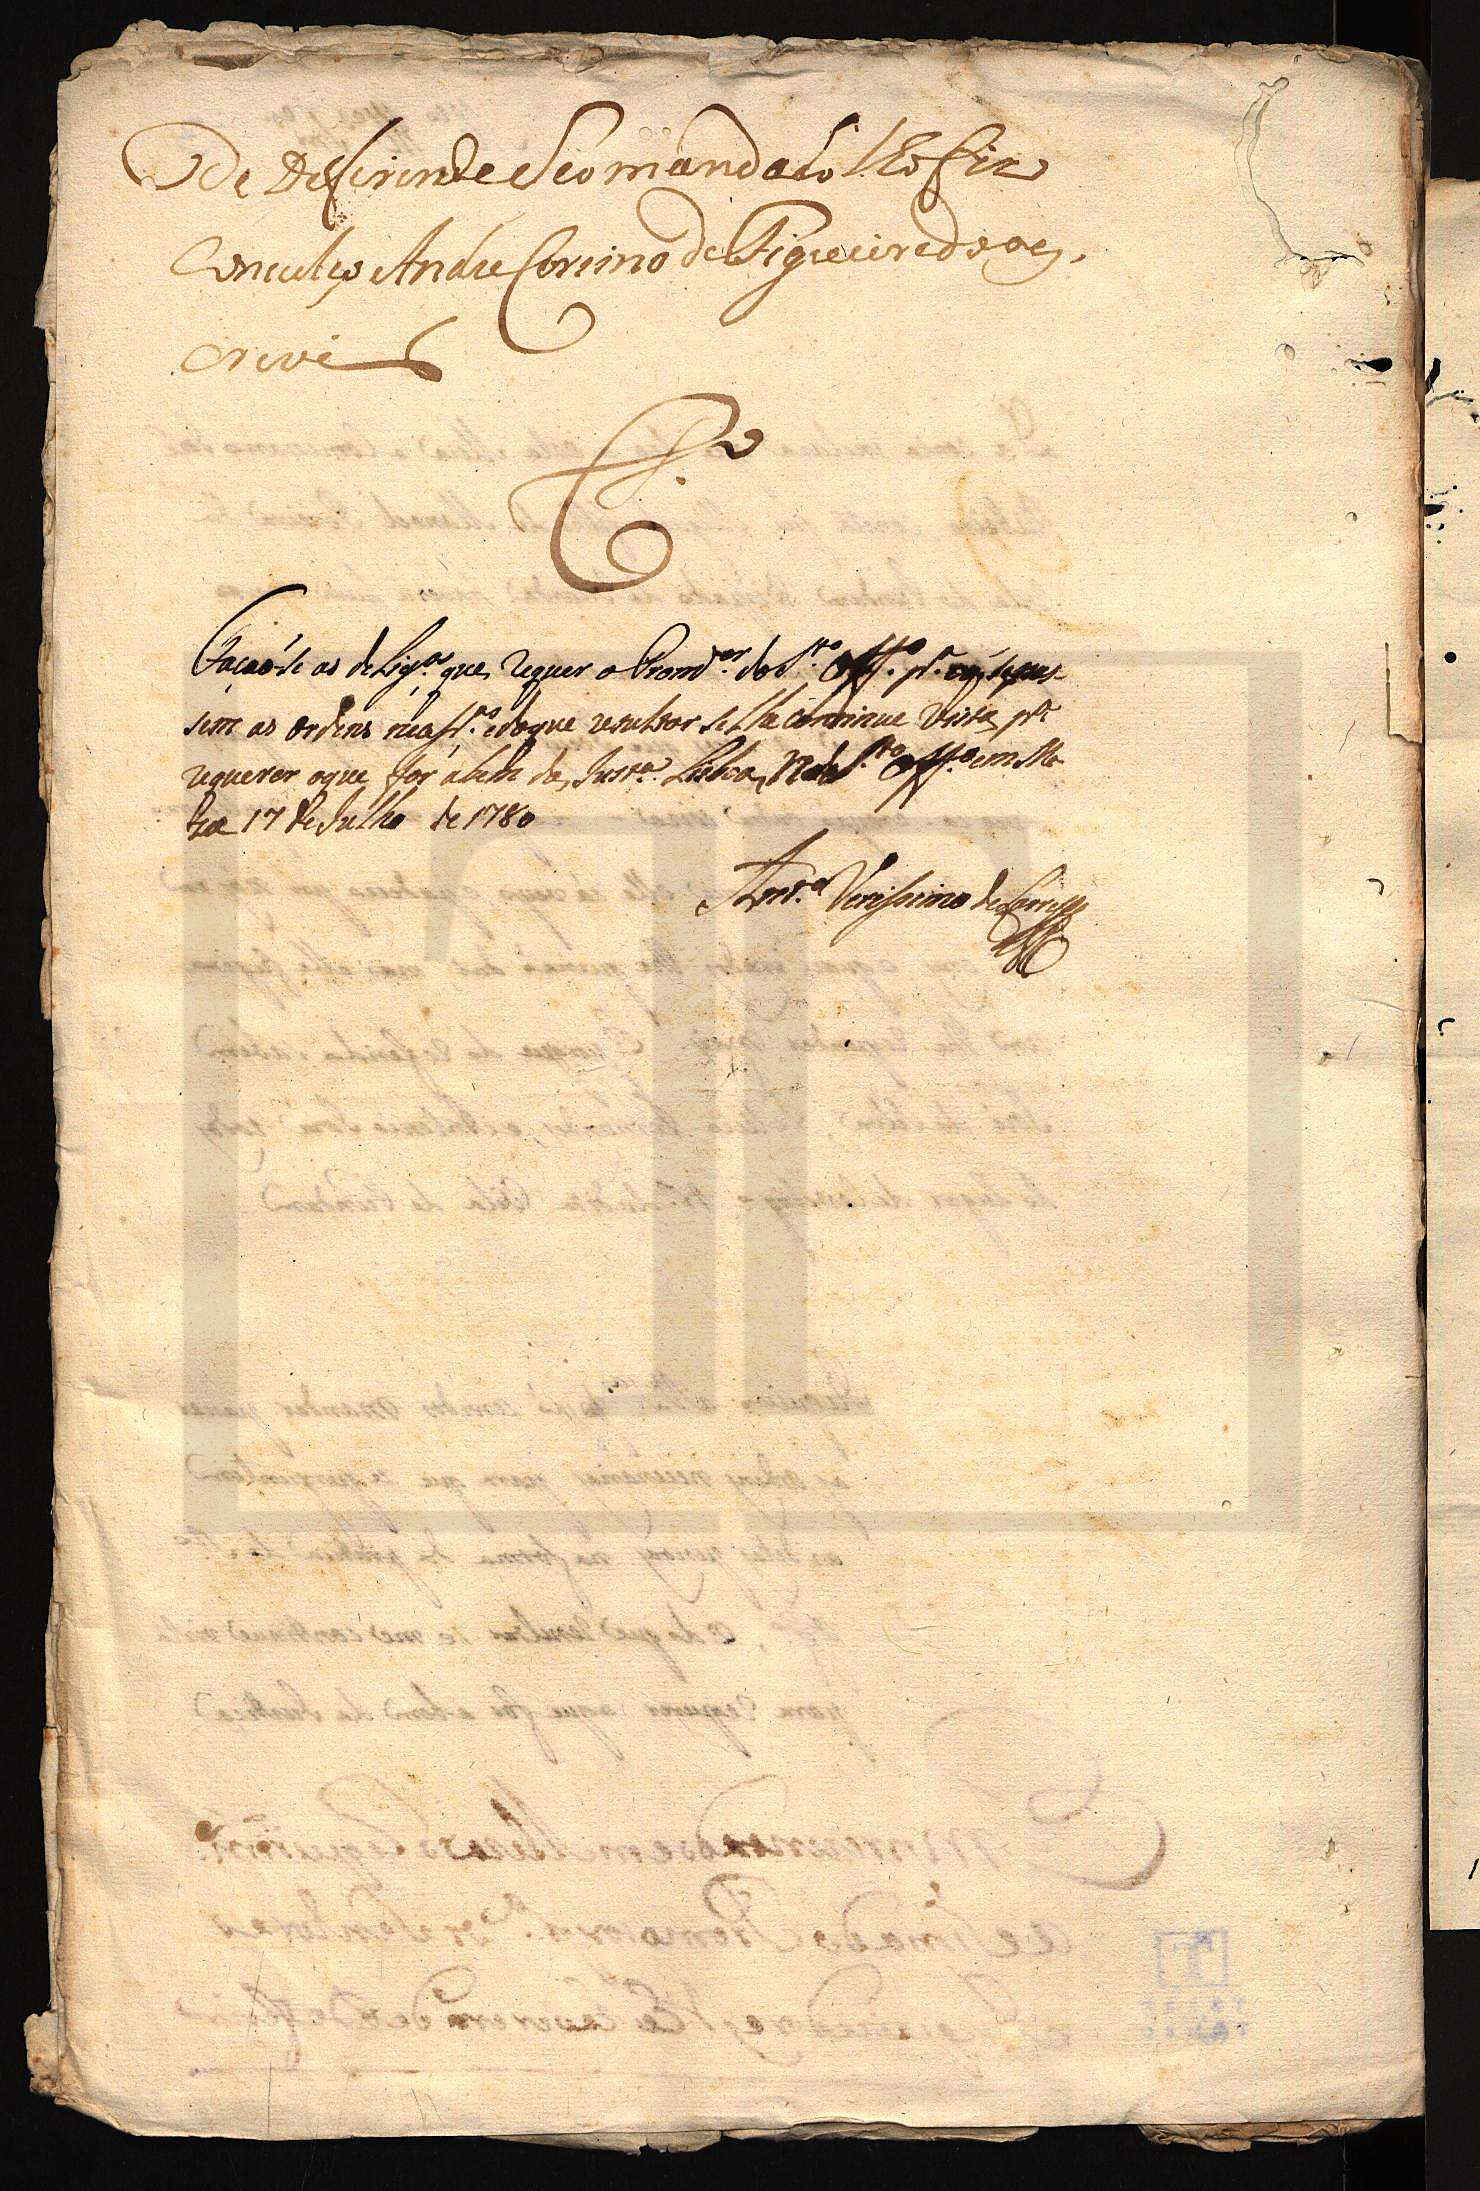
de Defirinde Seo mandado lho fiz
Concluço Andre Corsino de Figueiredo o es
crevi
Cl.o
Façaõ-se as diLig;a que requer o Prom.tor do S.to Off.o p.a o q̄ se pas
sem as ordens necesr;as do que rezultar se lha continue vista p.a
requerer o que for a bem da, Iust.a Lisboa, No S.to Off.o em Me
za 17 de Iulho de 1780
Ant.o Verissimo de Larre
